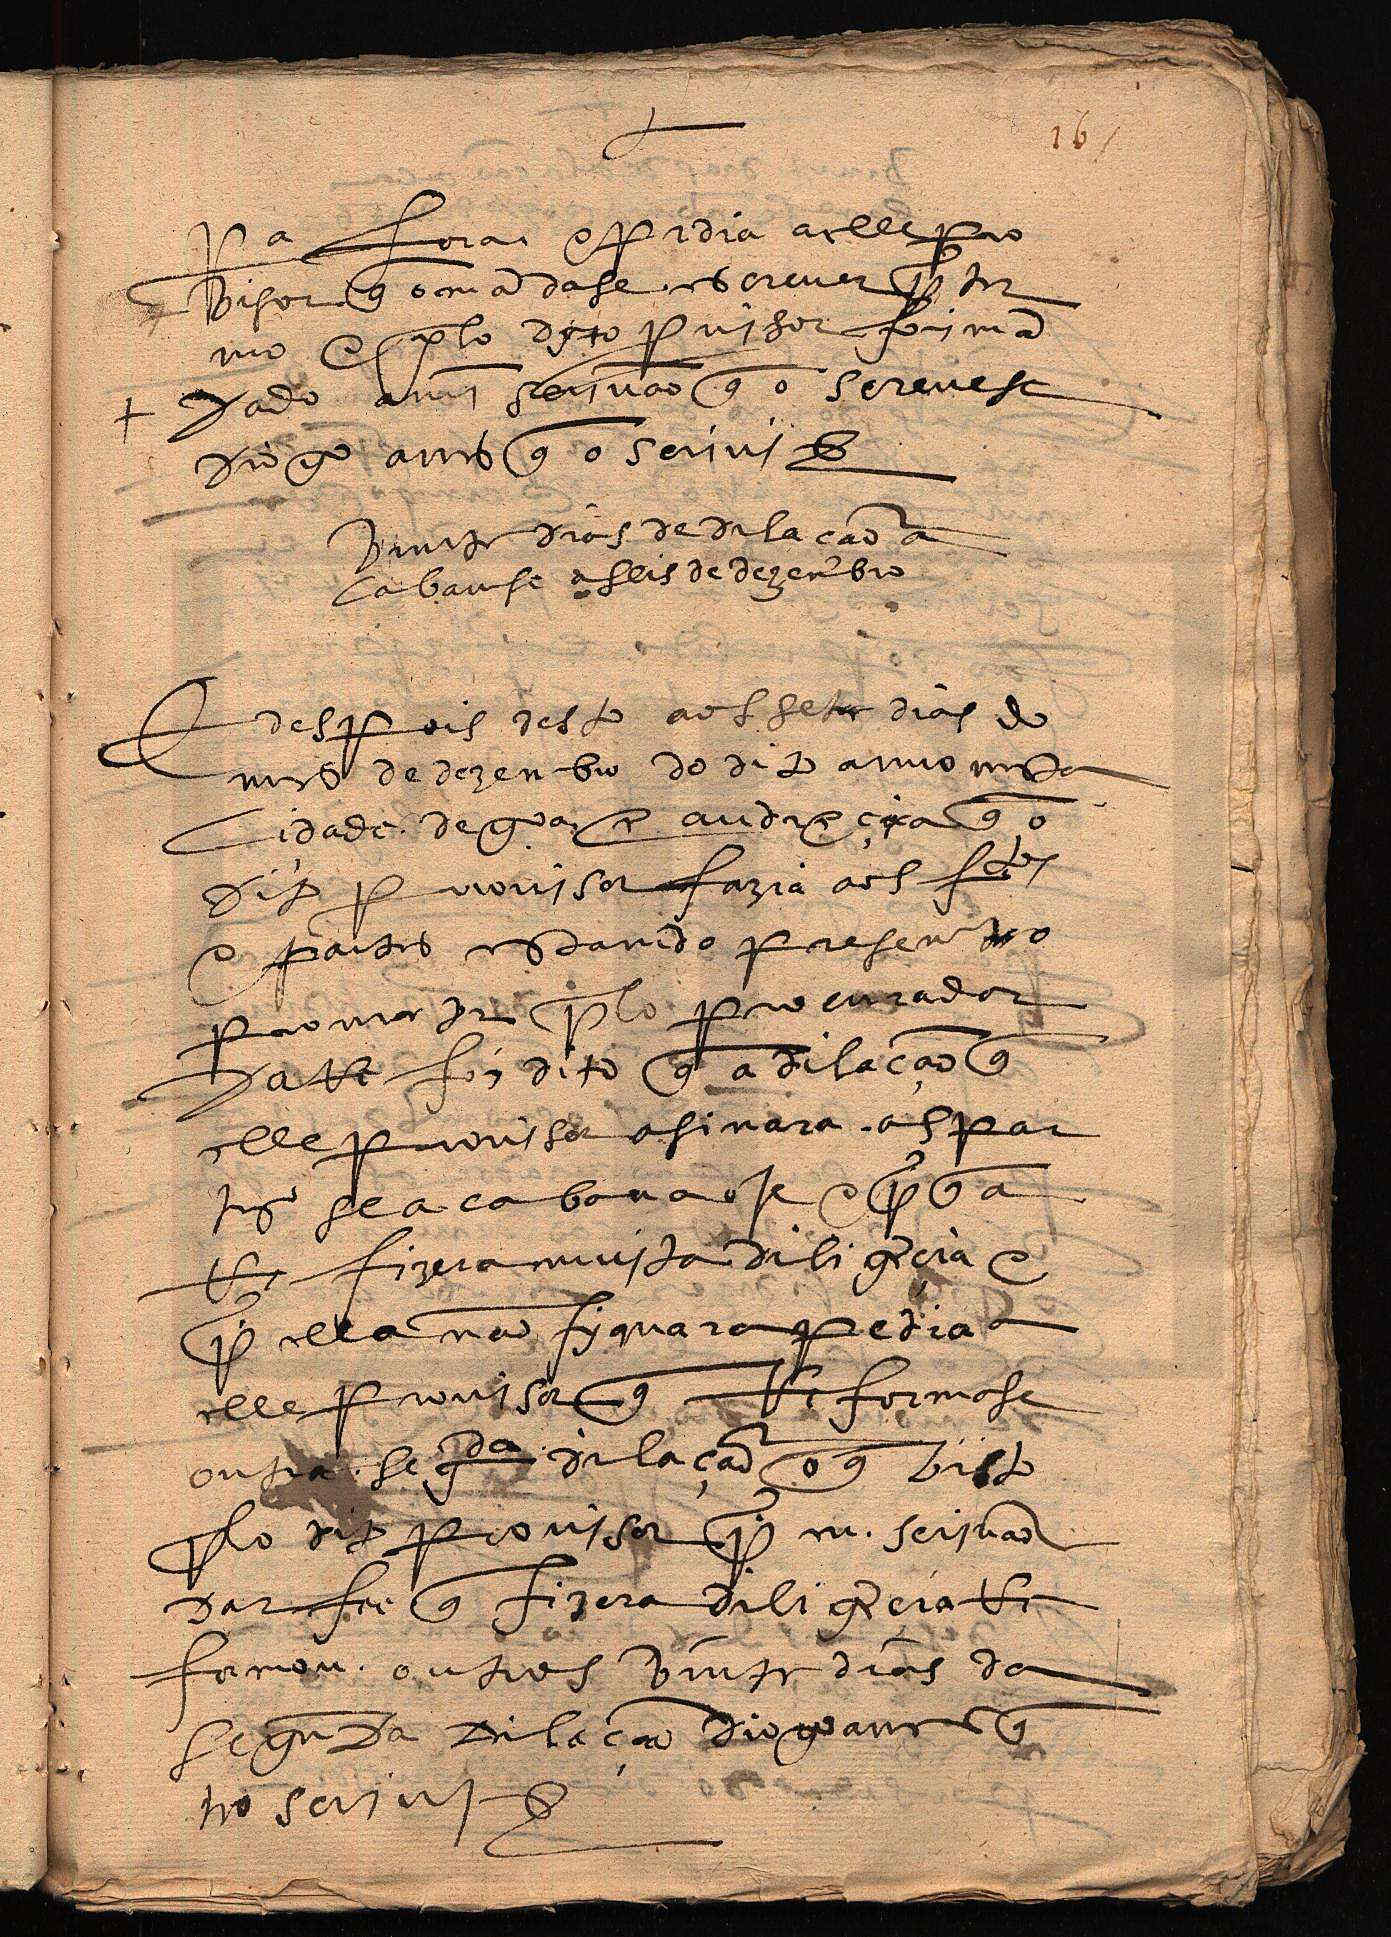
ꝑa fora e pidia a elle pro
visor q̄ o mādase escreuer p̄o ter
mo e p̄lo dyto ꝓujsor foy mā
dado a mī scriuão q̄ o screuese
diogo aires q̄ o scriuj
Vimte dias de dilação a
cabanse a seis de dezenbro
E despois desto aos sete dias do
mes de dezenbro do dito anno nesta
Çidade de goa ē audiēçia q̄ o
dito proujsor fazia aos ftos
e partes estamdo presemte o
prometor p̄lo procurador
da Re foy dito q̄ a dilação q̄
elle prouisor asinara as par
tes se acabaua oJe e p̄q̄ a
Re fizera mujta diligēçia e
p̄o ella não fyquara pedia a
elle prouisor q̄ Reformase
outra segda dilação o q̄ visto
p̄lo dito proujsor p̄o eu scrjuão
dar fee q̄ fizera diligēçia a Re
formou outros vinte dias da
seḡuda Dilação diogo aires q̄
ho scriuj
